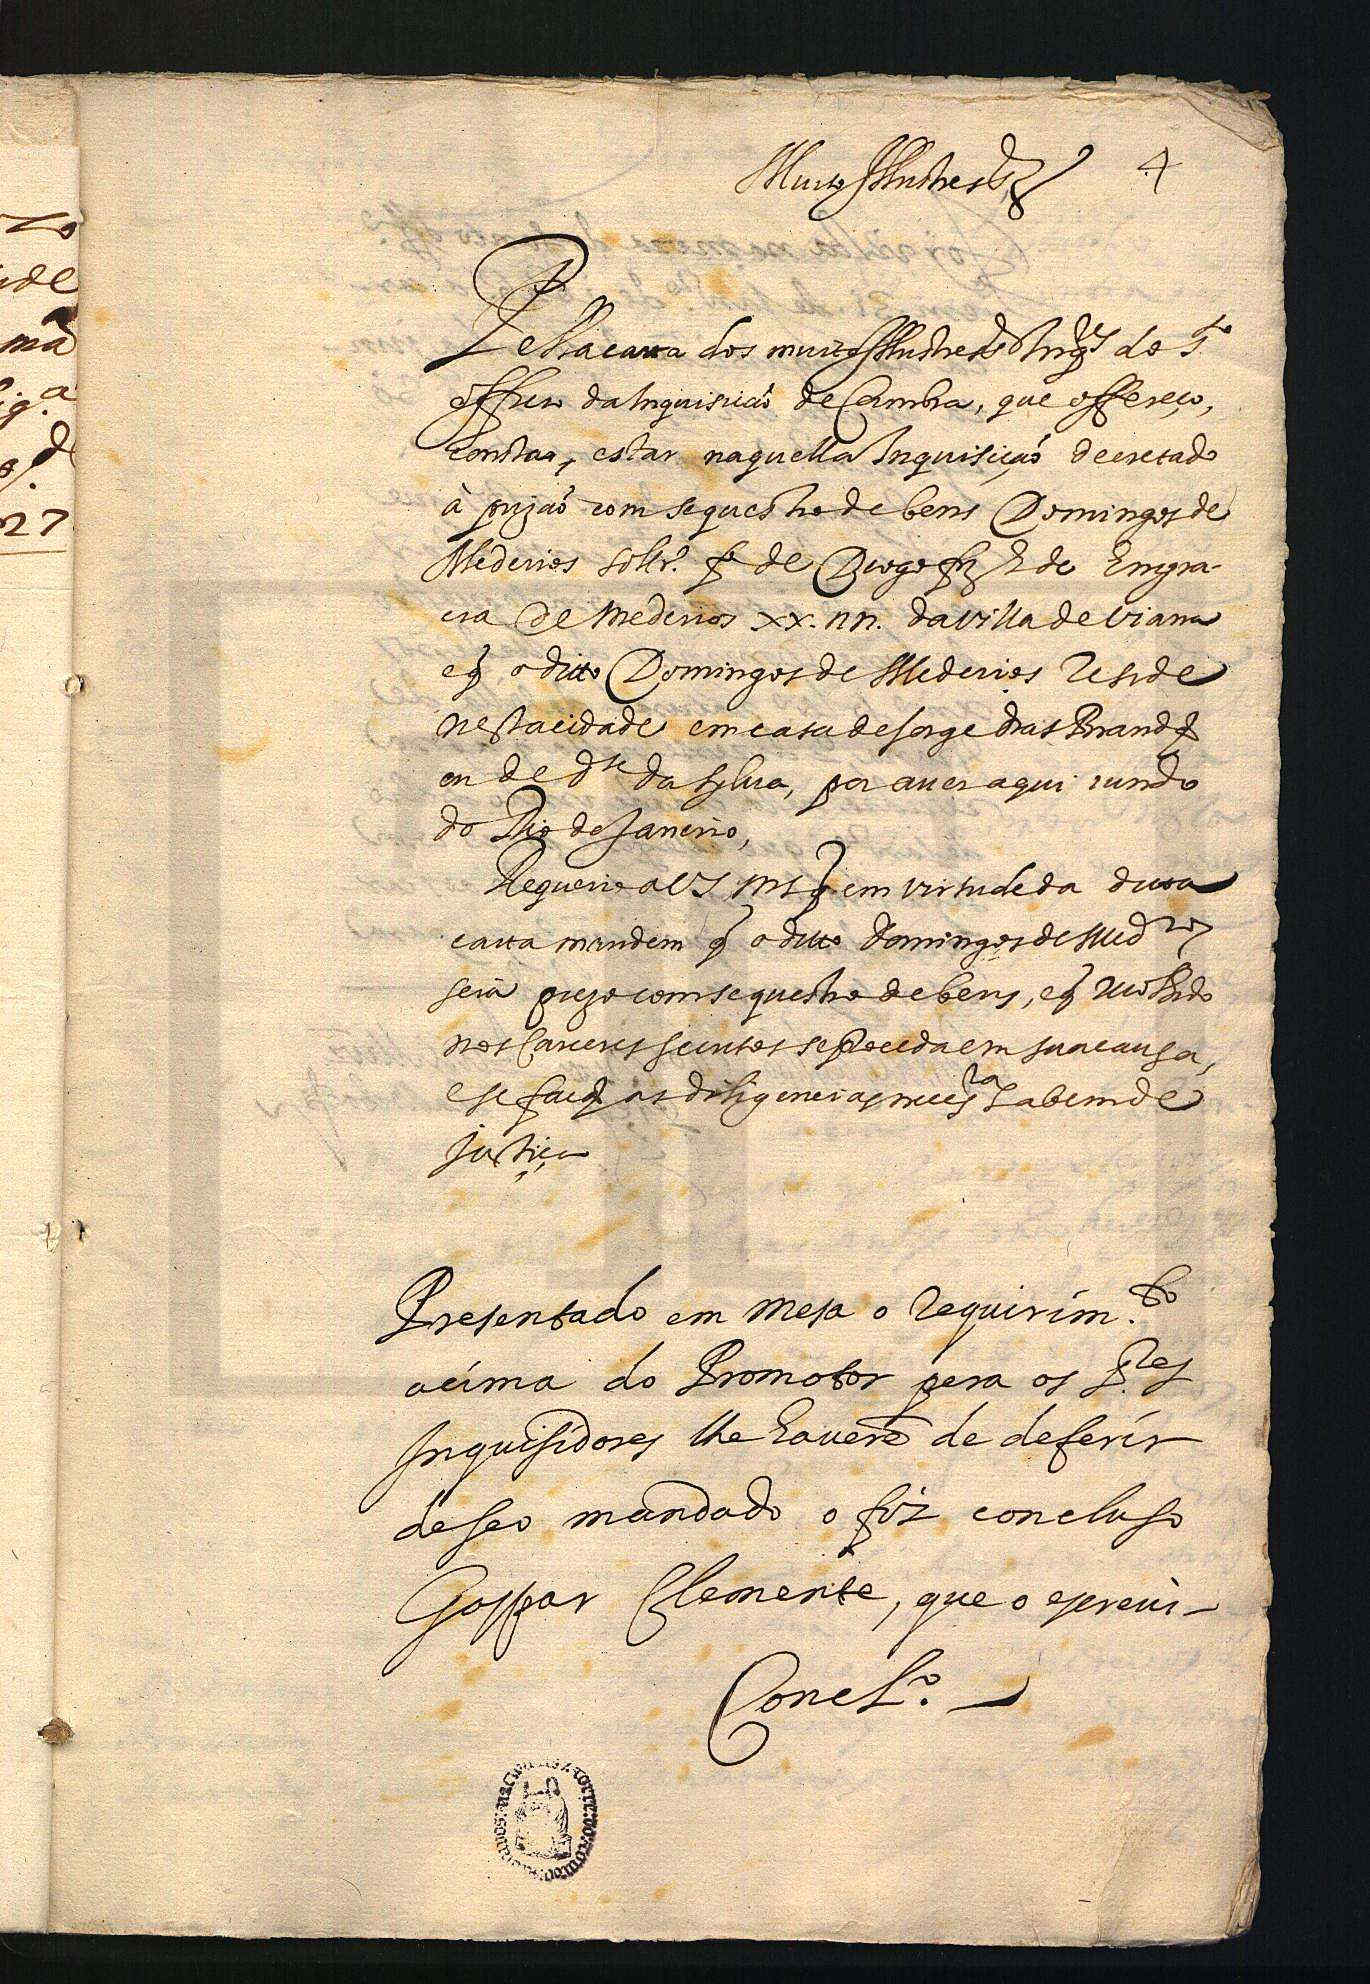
Muito Jllustres s̄es
Pella carta dos muito Jllustres sres Inqres do sto
officio da Inquisicaõ de Coimbra, que offereço,
consta, estar naquella Inquisiçaõ decretado
à prizaõ com sequestro de bens Domingos de
Medeiros soltro. fo de Diogo frz E de Engra
cia de medeiros xx.nn da villa de viana
e q̄ o ditto Domingos de Medeiros Reside
nesta cidade em casa de Jorge dias Brandaõ
ou de dte da sylua, por auer aqui uindo
do Rio de Janeiro,
Requerio a Vs Ms q̄ em virtude da ditta
carta mandem q̄ o ditto Domingos de Medros
seia prezo com sequestro de bens, e q̄ recolhido
nos Carceres juntos se proceda em sua causa,
e se facaõ as diligencias necesras a bem de
justiça
Presentado em mesa o Requirim.to
acima do Promotor pera os s.res
Jnquisidores lhe hauerē de deferir
de seo mandado o fiz concluso
Gaspar Clemente, que o escreui
ConcLo.
